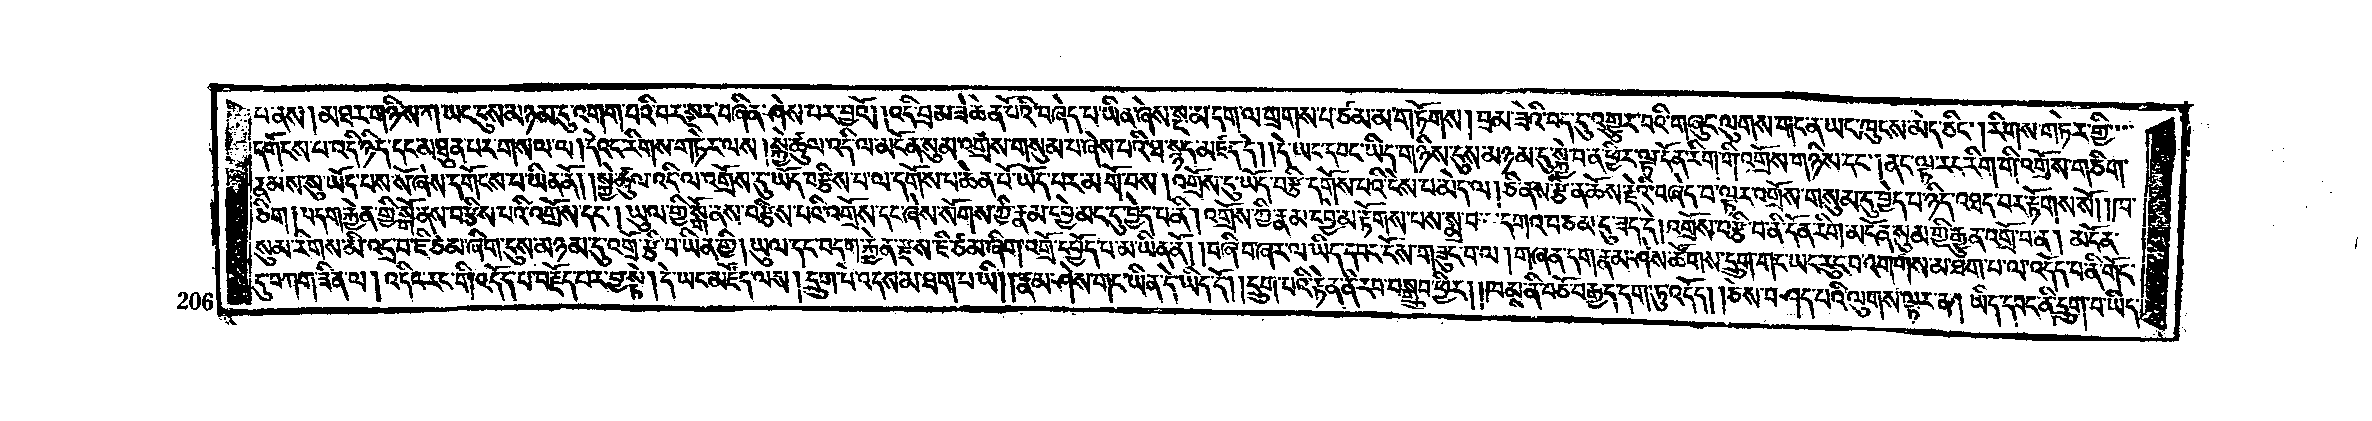པ་ནས། མཐར་གཉིས་ཀ་ཡང་དུས་མཉམ་དུ་འགག་པའི་བར་སྔར་བཞིན་ཤེས་པར་བྱའོ། །འདི་བྲམ་ཟེ་ཆེན་པོའི་བཞེད་པ་ཡིན་ཞེས་སྔ་མ་དག་ལ་གྲགས་པ་ཙམ་མ་གཏོགས། བྲམ་ཟེའི་བོད་དུ་འགྱུར་བའི་གཞུང་ལུགས་གང་ན་ཡང་ཁུངས་མེད་ཅིང་། རིགས་གཏེར་གྱི་
དགོངས་པ་འདི་ཉིད་དང་མཐུན་པར་གསལ་ལ། དེའང་རིགས་གཏེར་ལས། སྐྱེ་ཚུལ་འདི་ལ་མངོན་སུམ་འགྲོས་གསུམ་པ་ཞེས་པའི་ཐ་སྙད་མཛད་དེ། །དེ་ཡང་དབང་ཡིད་གཉིས་དུས་མཉམ་དུ་སྐྱེ་བ་ན་ཕྱིར་ལྟ་དོན་རིག་གི་འགྲོས་གཉིས་དང་། ནང་ལྟ་རང་རིག་གི་འགྲོས་གཅིག་
རྣམས་སུ་ཡོད་པས་སོ་ཞེས་དགོངས་པ་ཡིན་ནོ། །སྐྱེ་ཚུལ་འདི་ལ་འགྲོས་དུ་ཡོད་བརྩིས་པ་ལ་དགོས་པ་ཆེན་པོ་ཡོད་པར་མགོ་བས། འགྲོས་དུ་ཡོད་བརྩི་དགོས་པའི་ངེས་པ་མེད་ལ། ཅི་ནས་རྩི་ན་ཆོས་རྗེའི་བཞེད་པ་ལྟར་འགྲོས་གསུམ་དུ་བྱེད་པ་ཉིད་འཐད་པར་རྟོགས་སོ། །ཁ་
ཅིག །བདག་རྐྱེན་གྱི་སྒོ་ནས་བརྩིས་པའི་འགྲོས་དང་། ཡུལ་གྱི་སྒོ་ནས་བརྩིས་པའི་འགྲོས་དང་ཞེས་སོགས་ཀྱི་རྣམ་དབྱེ་མང་དུ་བྱེད་པ་ནི། འགྲོས་ཀྱི་རྣམ་དབྱེ་མ་རྟོགས་པས་སྨྲ་བ་དགའ་བ་ཙམ་དུ་ཟད་དེ། འགྲོས་བརྩི་བ་ནི་དོན་རིག་མངོན་སུམ་གྱི་རྒྱུན་འགྲོ་བ་ན། མངོན་
སུམ་རིགས་མི་འདྲ་བ་ཇི་ཙམ་ཞིག་དུས་མཉམ་དུ་འགྲོ་རྩི་བ་ཡིན་གྱི། ཡུལ་དང་བདག་རྐྱེན་རྫས་ཇི་ཙམ་ཞིག་འགྲོ་དཔྱོད་པ་མ་ཡིན་ནོ། །བཞི་བ་ཞར་ལ་ཡིད་དབང་ངོས་གཟུང་བ་ལ། གཞན་དག་རྣམ་ཤེས་ཚོགས་དྲུག་གང་ཡང་རུང་བ་འགགས་མ་ཐག་པ་ལ་འདོད་པ་ནི་གོང་
དུ་བཀག་ཟིན་ལ། འདིར་རང་གི་འདོད་པ་བརྗོད་པར་བྱ་སྟེ། དེ་ཡང་མཛོད་ལས། དྲུག་པོ་འདས་མ་ཐག་པ་ཡི། །རྣམ་ཤེས་གང་ཡིན་དེ་ཡིད་དོ། །དྲུག་པའི་རྟེན་ནི་རབ་བསྒྲུབ་ཕྱིར། །ཁམས་ནི་བཅོ་བརྒྱད་དག་ཏུ་འདོད། །ཅེས་བཤད་པའི་ལུགས་ལྟར་ན། ཡིད་དབང་ནི་དྲུག་པ་ཡིད་